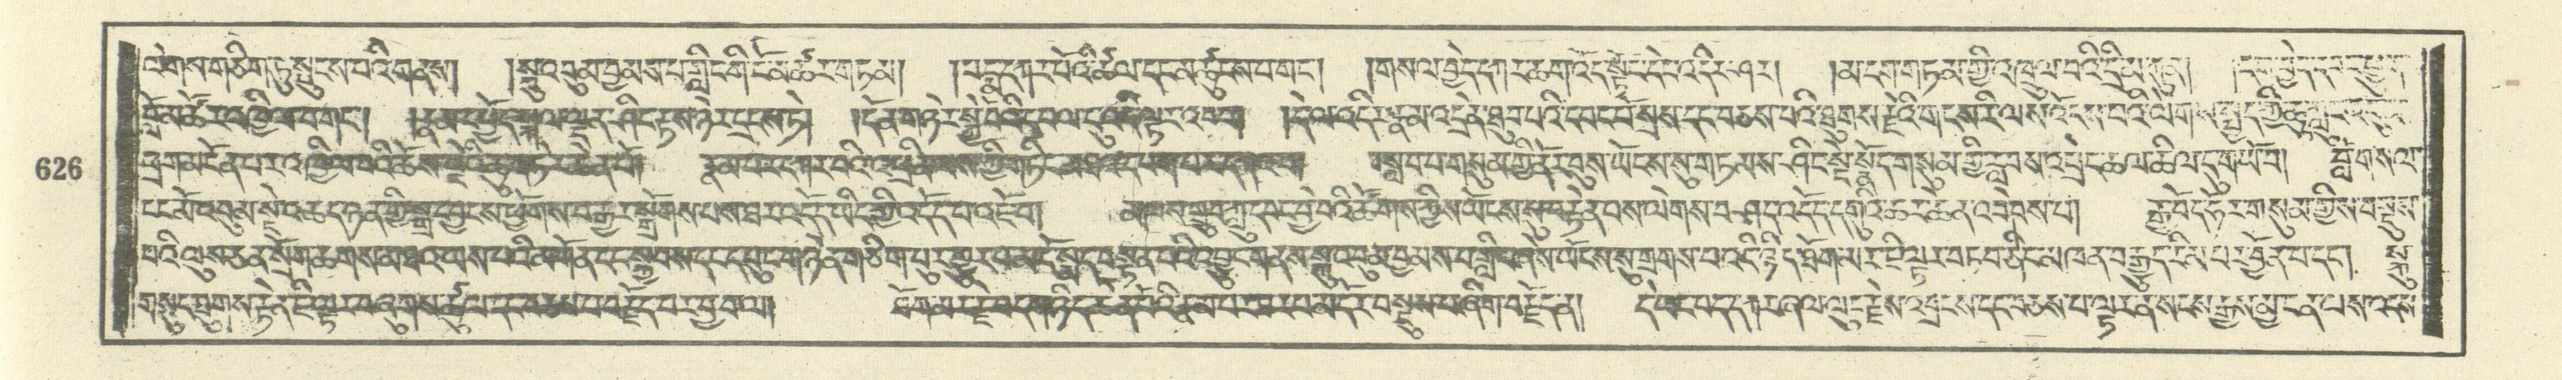ལེགས་གཅིག་ཏུ་སྤུངས་པའི་གནས། །སྐུ་འབུམ་བྱམས་པ་གླིང་གི་ངོ་མཚར་གཏམ། །པདམ་དཀར་པོའི་ཚལ་དང་མཚུངས་པ་གང་། །གསལ་བྱེད་དཀར་ཆག་འོད་སྟོང་དེང་འདིར་ཤར། །མ་དག་གཏམ་གྱི་འཁྲུལ་བའི་དྲི་མ་ཀུན། །དག་བྱེད་དབང་ཕྱུག་
བློ་མཚོར་འཁྱིལ་བ་གང་། །རྣམ་དཔྱོད་སྐལ་ལྡན་ཤིང་རྟས་ཉེར་དྲངས་ཏེ། །དོན་གཉེར་སྐྱེ་བོའི་དཔལ་དུ་འདི་ལྟར་འབབ། །དེ་ལ་འདིར་རྣམ་འདྲེན་ཐུབ་པའི་དབང་པོ་སྲས་དང་བཅས་པའི་ཐུགས་རྗེའི་གངས་རི་ལས་འོངས་པའི་ལེགས་སྤྱད་ཀྱི་ཆུ་ཀླུང་འབུམ་
ཕྲག་མངོན་པར་འཁྱིལ་བའི་ཆོས་སྡེའི་ཆུ་གཏེར་ཆེན་པོ། རྣམ་པར་དཀར་བའི་འཕྲིན་ལས་ཀྱི་གཏིང་མཐའ་དཔག་པར་དཀའ་བ། བསླབ་པ་གསུམ་གྱི་ནོར་བུས་ཡོངས་སུ་གཏམས་ཤིང་སྡེ་སྣོད་གསུམ་གྱི་རླབས་འཕྲེང་ཆལ་ཆིལ་དུ་གཡོ་བ། བློ་གསལ་
ངང་མོ་འབུམ་སྡེ་འཆད་ཉན་གྱི་སྒྲ་དབྱངས་ཕྱོགས་བརྒྱར་སྒྲོགས་པས་ཐར་འདོད་ཡིད་ཀྱི་འདོད་པ་འཇོ་བ། མཁས་གྲུབ་ཀླུ་དབང་བྱེ་བའི་ཚོགས་ཀྱིས་ཡོངས་སུ་བརྟེན་པས་ལེགས་བཤད་འདོད་དགུའི་ཆར་ཆེན་འབེབས་པ། རྒྱ་བོད་ཧོར་གསུམ་གྱིས་བསྡུས་
པའི་ལུས་ཅན་སྲོག་ཆགས་མཐའ་ཡས་པའི་མགོན་དང་སྐྱབས་དང་དཔུང་གཉེན་གཅིག་པུར་གྱུར་པ་མདོ་སྨད་བསྟན་པའི་འབྱུང་གནས་སྐུ་འབུམ་བྱམས་པ་གླིང་ཞེས་ཡོངས་སུ་གྲགས་པ་འདི་ཉིད་ཐོག་མར་ཇི་ལྟར་བཏབ་ཅིང་མཁན་བརྒྱུད་རིམ་པར་བྱོན་པ་དང་། སྐུ་
གསུང་ཐུགས་རྟེན་ཇི་ལྟར་བཞུགས་ཚུལ་དང་བཅས་པ་བརྗོད་པར་བྱ་བ་ལ། ཐོག་མར་རྗེ་བདག་ཉིད་ཆེན་པོའི་རྣམ་པར་ཐར་པ་མདོར་བསྡུས་པ་ཞིག་བརྗོད་ན། དེ་ཡང་པད་དཀར་ཞལ་ལུང་རྗེས་འབྲངས་དང་བཅས་པ་ལྟར་ན་སངས་རྒྱས་མྱ་ངན་ལས་འདས་